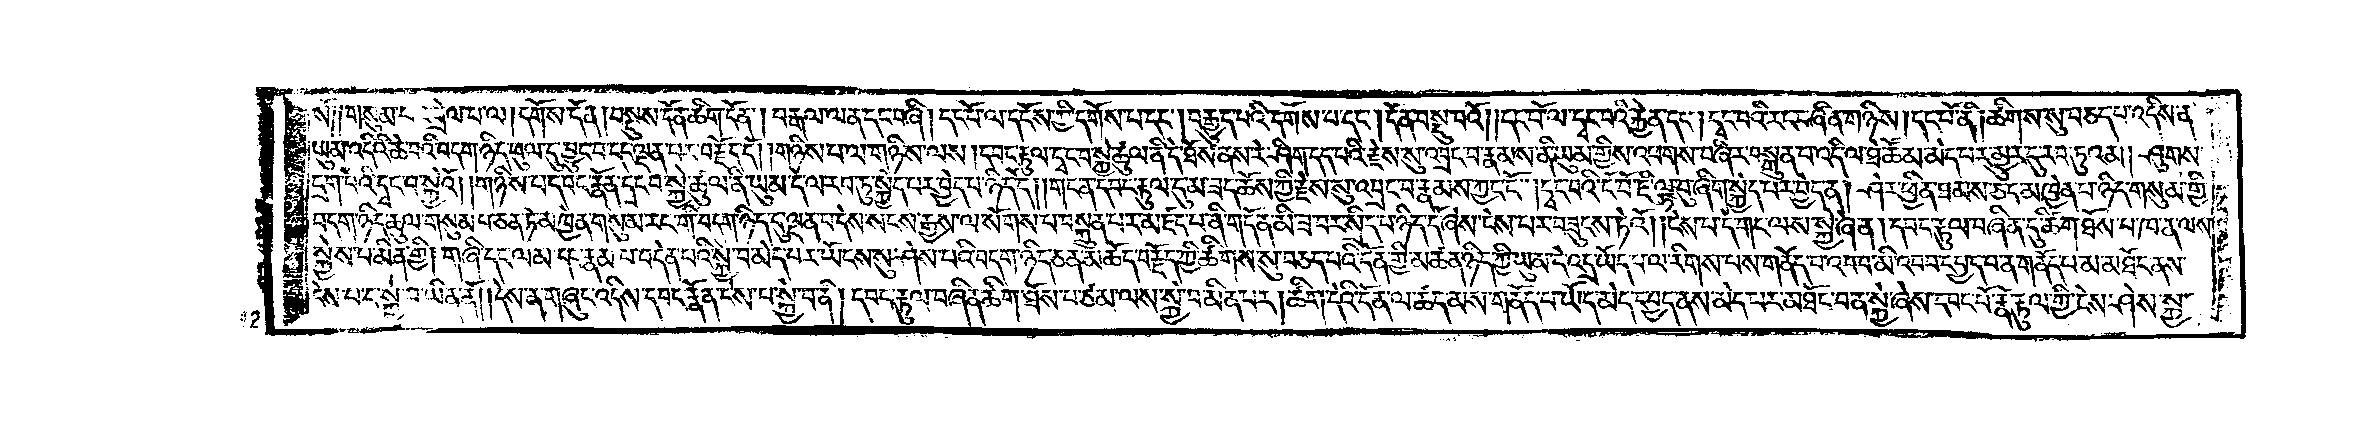སོ། །གསུམ་པ་འགྲེལ་པ་ལ། དགོས་དོན། བསྡུས་དོན་ཚིག་དོན། བརྒལ་ལན་དང་བཞི། དང་པོ་ལ་དངོས་ཀྱི་དགོས་པ་དང་། བརྒྱུད་པའི་དགོས་པ་དང་། དོན་བསྡུ་བའོ། །དང་པོ་ལ་དྭང་པའི་རྐྱེན་དང་། དྭང་བའི་རང་བཞིན་གཉིས། དང་པོ་ནི། ཚིགས་སུ་བཅད་པ་འདིས་ན་
ཡུམ་འདིའི་ཆེ་བའི་བདག་ཉིད་ཕུལ་དུ་བྱུང་བ་དང་ལྡན་པར་བརྗོད་དོ། །གཉིས་པ་ལ་གཉིས་ལས། དབང་རྟུལ་དྭང་བ་སྐྱེ་ཚུལ་ནི་དེ་ཐོས་ནས་རེ་ཤིག་དད་པའི་རྗེས་སུ་འབྲང་བ་རྣམས་ནི་ཡུམ་གྱིས་འཕགས་བཞིར་བསྐྲུན་པ་འདི་ལ་ཐེ་ཚོམ་མེད་པར་མྱུར་དུ་རབ་ཏུའམ། ཤུགས་
དྲག་པོའི་དྭང་བ་སྐྱེའོ། །གཉིས་པ་དབང་རྣོན་དྭང་བ་སྐྱེ་ཚུལ་ནི་ཡུམ་དེ་ལ་རབ་ཏུ་སྐྱེད་པར་བྱེད་པ་ཉིད་དོ། །གང་ན་དབང་རྟུལ་དུ་མ་ཟད་ཆོས་ཀྱི་རྗེས་སུ་འབྲང་བ་རྣམས་ཀྱང་ངོ། དྭང་བའི་ངོ་བོ་ཇི་ལྟ་བུ་ཞིག་སྐྱེད་པར་བྱེད་ན། ཤེར་ཕྱིན་ཐམས་ཅད་མཁྱེན་པ་ཉིད་གསུམ་གྱི་
བདག་ཉིད་ཚུལ་གསུམ་པ་ཅན་ཏེ་མཁྱེན་གསུམ་རང་གི་བདག་ཉིད་དུ་ལྡན་པ་དེས་སངས་རྒྱས་ལ་སོགས་པ་བསྐྲུན་པར་མཛད་པ་ནི་གདོན་མི་ཟ་བར་སྲིད་པ་ཉིད་དོ་ཞེས་ངེས་པར་བཟུངས་ཏེའོ། །ངེས་པ་དེ་གང་ལས་སྐྱེ་ཞེ་ན། དབང་རྟུལ་བཞིན་དུ་ཚིག་ཐོས་པ་ཁ་ན་ལས་
སྐྱེས་པ་མིན་གྱི། གཞི་དང་ལམ་དང་རྣམ་པ་བདེན་པའི་སྐྱེ་བ་མེད་པར་ཡོངས་སུ་ཤེས་པའི་བདག་ཉིད་ཅན་མཆོད་བརྗོད་ཀྱི་ཚིགས་སུ་བཅད་པའི་དོན་གྱི་མཚན་ཉིད་ཀྱི་ཡུམ་དེ་འདྲ་ཡོད་པ་ལ་རིགས་པས་གནོད་པ་འབབ་མི་འབབ་དཔྱད་པ་ན་གནོད་པ་མ་མཐོང་ནས་
ངེས་པ་དེ་སྐྱེ་བ་ཡིན་ནོ། །དེས་ན་གཞུང་འདིས་དབང་རྣོན་ངེས་པ་སྐྱེ་བ་ནི། དབང་རྟུལ་བཞིན་ཚིག་ཐོས་པ་ཙམ་ལས་སྐྱེ་བ་མིན་པར། ཚིག་དེའི་དོན་ལ་ཚད་མས་གནོད་པ་ཡོད་མེད་དཔྱད་ནས་མེད་པར་མཐོང་བ་ན་སྐྱེ་ཞེས་དབང་པོ་རྣོ་རྟུལ་གྱི་ངེས་ཤེས་སྐྱེ་